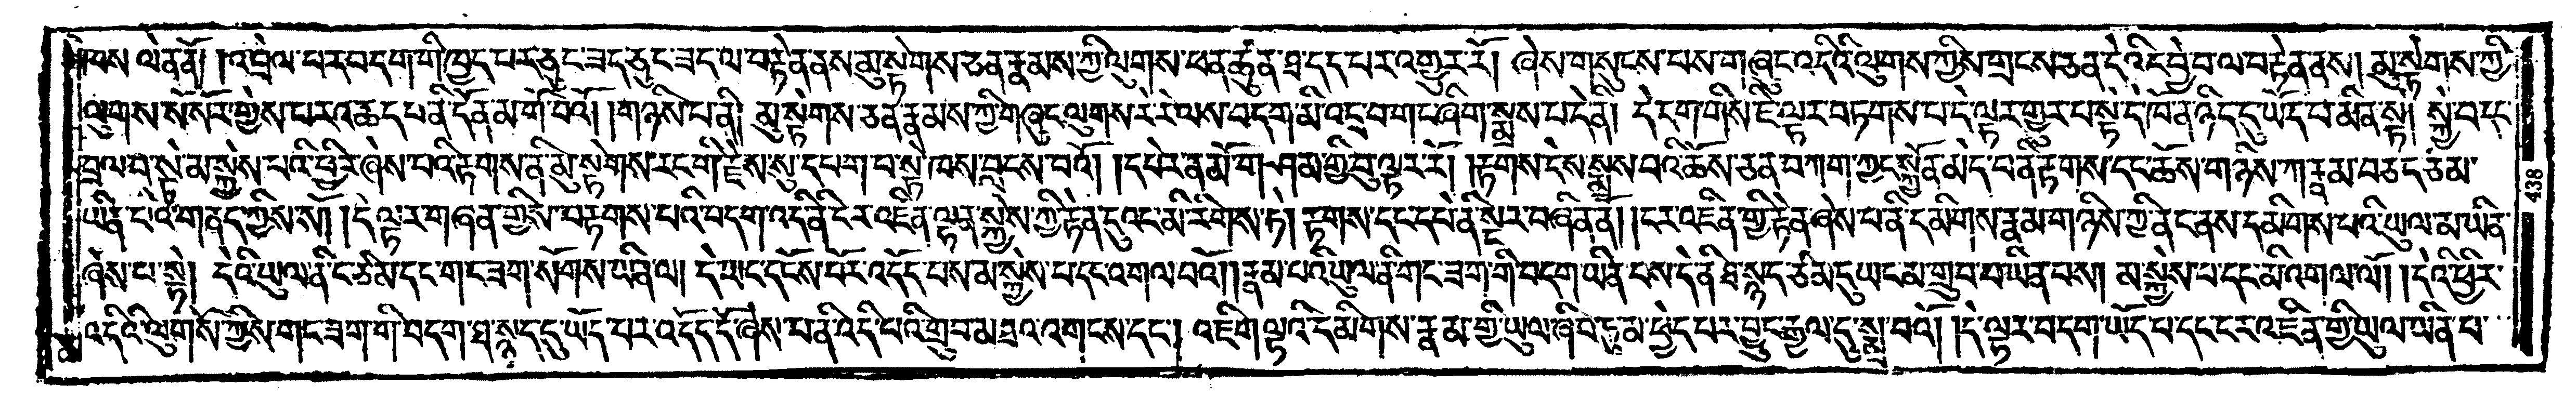ཁས་ལེན་ནོ། །འགྲེལ་པར་བདག་གི་ཁྱད་པར་ཅུང་ཟད་ཅུང་ཟད་ལ་བརྟེན་ནས་མུ་སྟེགས་ཅན་རྣམས་ཀྱི་ལུགས་ཕན་ཚུན་ཐ་དད་པར་འགྱུར་རོ། ཞེས་གསུངས་པས་གཞུང་འདིའི་ལུགས་ཀྱིས་གྲངས་ཅན་དེའི་དབྱེ་བ་ལ་བརྟེན་ནས། མུ་སྟེགས་ཀྱི་
ལུགས་སོ་སོར་གྱེས་པར་འཆད་པ་ནི་དོན་མ་གོ་བའོ། །གཉིས་པ་ནི། མུ་སྟེགས་ཅན་རྣམས་ཀྱི་གཞུང་ལུགས་རེ་རེ་ལས་བདག་མི་འདྲ་བ་གང་ཞིག་སྨྲས་པ་དེ་ནི། དེ་དག་གིས་ཇི་ལྟར་བཏགས་པ་དེ་ལྟར་གྱུར་པ་སྟེ་དེ་ཁོ་ན་ཉིད་དུ་ཡོད་པ་མིན་སྟེ། སྐྱེ་བ་དང་
བྲལ་པ་སྟེ་མ་སྐྱེས་པའི་ཕྱིར་ཞེས་པའི་རྟགས་ནི་མུ་སྟེགས་རང་གི་རྗེས་སུ་དཔག་པ་སྟེ་ཁས་བླངས་པའོ། །དཔེར་ན་མོ་གཤམ་གྱི་བུ་ལྟར་རོ། །རྟགས་དེས་སྨྲས་པའི་ཆོས་ཅན་བཀག་ཀྱང་སྐྱོན་མེད་པ་ནི་རྟགས་དང་ཆོས་གཉིས་ཀ་རྣམ་བཅད་ཙམ་
ཡིན་པའི་གནད་ཀྱིས་སོ། །དེ་ལྟར་གཞན་གྱིས་བརྟགས་པའི་བདག་འདི་ནི་ངར་འཛིན་ལྷན་སྐྱེས་ཀྱི་རྟེན་དུའང་མི་རིགས་ཏེ། རྟགས་དང་དཔེ་ནི་སྔར་བཞིན་ནོ། །ངར་འཛིན་གྱི་རྟེན་ཞེས་པ་ནི་དམིགས་རྣམ་གཉིས་ཀྱི་ནང་ནས་དམིགས་པའི་ཡུལ་མ་ཡིན་
ཞེས་པ་སྟེ། དེའི་ཡུལ་ནི་ང་ཙམ་དང་གང་ཟག་སོགས་ཡིན་ལ། དེ་ཡང་དངོས་པོར་འདོད་པས་མ་སྐྱེས་པ་དང་འགལ་བའོ། །རྣམ་པའི་ཡུལ་ནི་གང་ཟག་གི་བདག་ཡིན་པས་དེ་ནི་ཐ་སྙད་ཙམ་དུ་ཡང་མ་གྲུབ་པ་ཡིན་པས། མ་སྐྱེས་པ་དང་མི་འགལ་ལོ། །དེའི་ཕྱིར་
འདིའི་ལུགས་ཀྱིས་གང་ཟག་གི་བདག་ཐ་སྙད་དུ་ཡོད་པར་འདོད་དོ་ཞེས་པ་ནི་འདི་པའི་གྲུབ་མཐའི་འགངས་དང་། འཇིག་ལྟའི་དམིགས་རྣམ་གྱི་ཡུལ་ཞིབ་ཏུ་མ་ཕྱེད་པར་བྱུང་རྒྱལ་དུ་སྨྲ་བའོ། །དེ་ལྟར་བདག་ཡོད་པ་དང་ངར་འཛིན་གྱི་ཡུལ་ཡིན་པ་